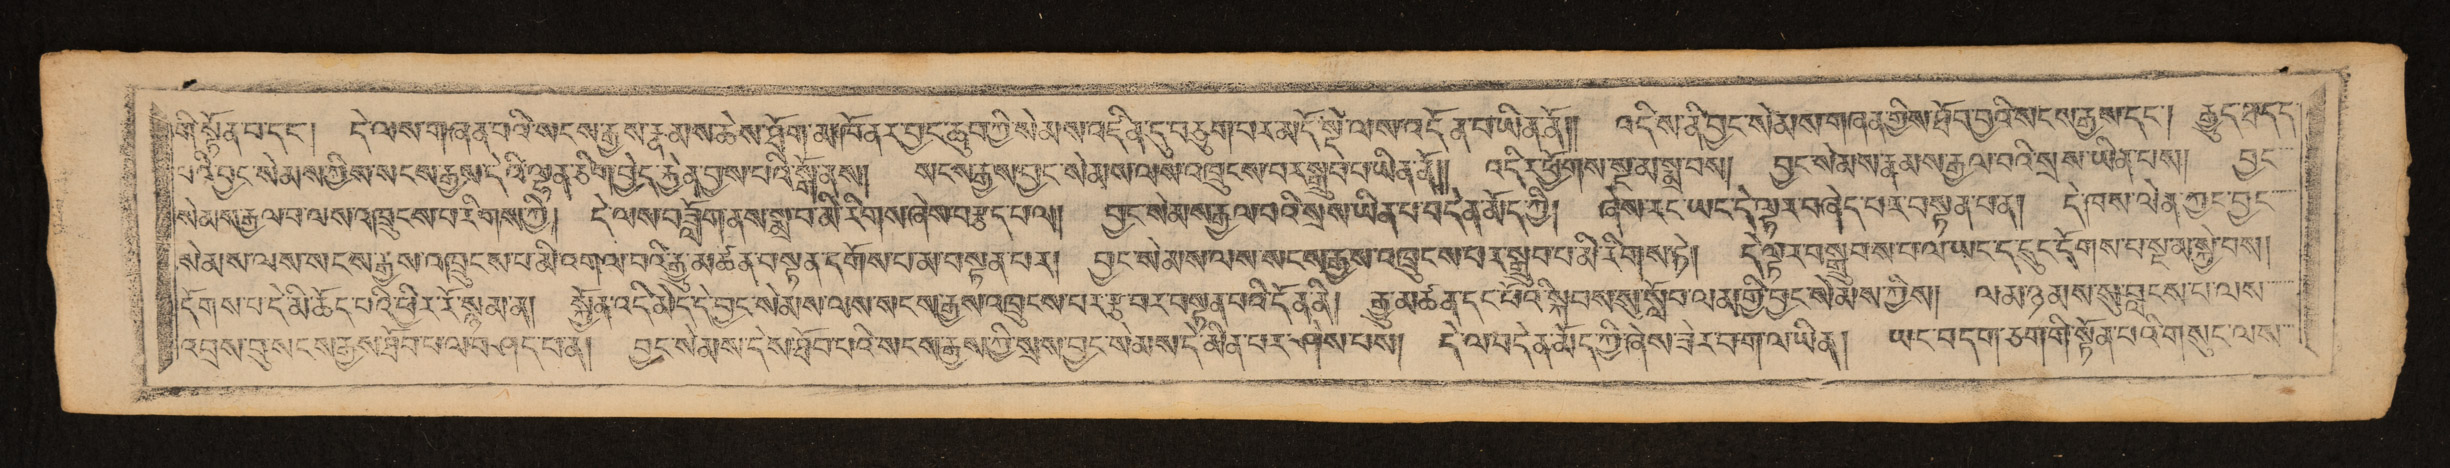གི་སྟོན་པ་དང་། དེ་ལས་གཞན་པའི་སངས་རྒྱས་རྣམས་ཆེས་ཐོག་མ་ཁོ་ནར་བྱང་ཆུབ་ཀྱི་སེམས་འཛིན་དུ་བཅུག་པར་མདོ་སྡེ་ལས་འདོན་པ་ཡིན་ནོ།། འདིས་ནི་བྱང་སེམས་གཞན་གྱིས་ཐོབ་བྱའི་སངས་རྒྱས་དང་། རྒྱུད་ཐ་དད་
པའི་བྱང་སེམས་ཀྱིས་སངས་རྒྱས་དེའི་ལྷན་ཅིག་བྱེད་རྐྱེན་བྱས་པའི་སྒོ་ནས། སངས་རྒྱས་བྱང་སེམས་ལས་འཁྲུངས་པར་སྒྲུབ་པ་ཡིན་ནོ།། འདིར་ཕྱོགས་སྔ་མ་སྨྲ་བས། བྱང་སེམས་རྣམས་རྒྱལ་བའི་སྲས་ཡིན་པས། བྱང་
སེམས་རྒྱལ་བ་ལས་འཁྲུངས་པ་རིགས་ཀྱི། དེ་ལས་བཟློག་ནས་སྨྲ་བ་མི་རིགས་ཞེས་བརྩད་པ་ལ། བྱང་སེམས་རྒྱལ་བའི་སྲས་ཡིན་པ་བདེན་མོད་ཀྱི། ཞེས་རང་ཡང་དེ་ལྟར་བཞེད་པར་བསྟན་པ་ན། དེ་ཁས་ལེན་ཀྱང་བྱང་
སེམས་ལས་སངས་རྒྱས་འཁྲུངས་པ་མི་འགལ་བའི་རྒྱུ་མཚན་བསྟན་དགོས་པ་མ་བསྟན་པར། བྱང་སེམས་ལས་སངས་རྒྱས་འཁྲུངས་པར་སྒྲུབ་པ་མི་རིགས་ཏེ། དེ་ལྟར་བསྒྲུབས་པ་ལ་ཡང་ད་དུང་དོགས་པ་སྔ་མ་སྐྱེ་བས།
དོགས་པ་དེ་མི་ཆོད་པའི་ཕྱིར་རོ་སྙམ་ན། སྐྱོན་འདི་མེད་དེ་བྱང་སེམས་ལས་སངས་རྒྱས་འཁྲུངས་པར་རྩ་བར་བསྟན་པའི་དོན་ནི། རྒྱུ་མཚན་དང་པོའི་སྐབས་སུ་སློབ་ལམ་གྱི་བྱང་སེམས་ཀྱིས། ལམ་ཉམས་སུ་བླངས་པ་ལས་
འབྲས་བུ་སངས་རྒྱས་ཐོབ་པ་ལ་བཤད་པ་ན། བྱང་སེམས་དེས་ཐོབ་པའི་སངས་རྒྱས་ཀྱི་སྲས་བྱང་སེམས་དེ་མིན་པར་ཤེས་པས། དེ་ལ་བདེན་མོད་ཀྱི་ཞེས་ཟེར་བ་ག་ལ་ཡིན། ཡང་བདག་ཅག་གི་སྟོན་པའི་གསུང་ལས་